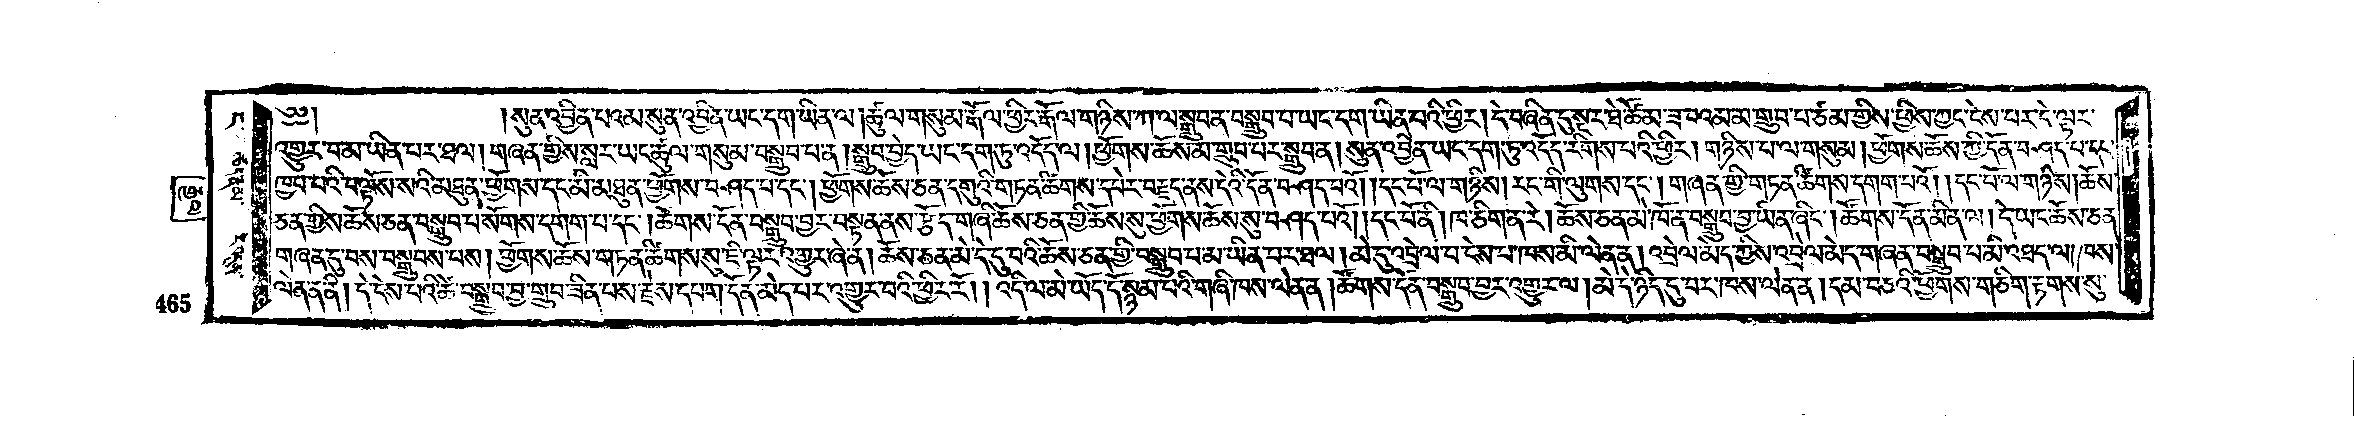༄༅། །སུན་འབྱིན་པའམ་སུན་འབྱིན་ཡང་དག་ཡིན་ལ། ཚུལ་གསུམ་རྒོལ་ཕྱིར་རྒོལ་གཉིས་ཀ་ལ་སྒྲུབ་ན་བསྒྲུབ་པ་ཡང་དག་ཡིན་པའི་ཕྱིར། དེ་བཞིན་དུ་སྔར་ཐེ་ཚོམ་ཟ་བའམ་མ་གྲུབ་པ་ཙམ་གྱིས་ཕྱིས་ཀྱང་ངེས་པར་དེ་ལྟར་
འགྱུར་བ་མ་ཡིན་པར་ཐལ། གཞན་གྱིས་སླར་ཡང་ཚུལ་གསུམ་བསྒྲུབ་པ་ན། སྒྲུབ་བྱེད་ཡང་དག་ཏུ་འདོད་ལ། ཕྱོགས་ཆོས་མ་གྲུབ་པར་སྒྲུབ་ན། སུན་འབྱིན་ཡང་དག་ཏུ་འདོད་རིགས་པའི་ཕྱིར། གཉིས་པ་ལ་གསུམ། ཕྱོགས་ཆོས་ཀྱི་དོན་བཤད་པ་དང་
ཁྱབ་པའི་བལྟོས་སའི་མཐུན་ཕྱོགས་དང་མི་མཐུན་ཕྱོགས་བཤད་པ་དང་། ཕྱོགས་ཆོས་ཅན་དགུའི་གཏན་ཚིགས་དཔེར་བརྗོད་ནས་དེའི་དོན་བཤད་པའོ། །དང་པོ་ལ་གཉིས། རང་གི་ལུགས་དང་། གཞན་གྱི་གཏན་ཚིགས་དགག་པའི། དང་པོ་ལ་གཉིས། ཆོས་
ཅན་གྱིས་ཆོས་ཅན་བསྒྲུབ་པ་སོགས་དགག་པ་དང་། ཚོགས་དོན་བསྒྲུབ་བྱར་བསྟན་ནས་རྩོད་གཞི་ཆོས་ཅན་གྱི་ཆོས་སུ་ཕྱོགས་ཆོས་སུ་བཤད་པའོ། །དང་པོ་ནི། ཁ་ཅིག་ན་རེ། ཆོས་ཅན་མེ་ཁོ་ན་བསྒྲུབ་བྱ་ཡིན་ཞིང་། ཚོགས་དོན་མིན་ལ། དེ་ཡང་ཆོས་ཅན་
གཞན་དུ་བས་བསྒྲུབ་པས། ཕྱོགས་ཆོས་གཏན་ཚིགས་སུ་ཇི་ལྟར་འགྱུར་ཞེ་ན། ཆོས་ཅན་མེ་དེ་དུ་བའི་ཆོས་ཅན་གྱི་བསྒྲུབ་པ་མ་ཡིན་པར་ཐལ། མེ་དུ་འབྲེལ་བ་ངེས་པ་ཁས་མི་ལེན་ན། འབྲེལ་མེད་ཀྱིས་འབྲེལ་མེད་གཞན་བསྒྲུབ་པ་མི་འཐད་ལ། ཁས་
ལེན་ན་ནི། དེ་ངེས་པའི་ཚེ་བསྒྲུབ་བྱ་གྲུབ་ཟིན་པས་རྗེས་དཔག་དོན་མེད་པར་འགྱུར་བའི་ཕྱིར་རོ། །འདི་ལ་མེ་ཡོད་དོ་སྙམ་པའི་གཞི་ཁས་ལེན་ན། ཚོགས་དོན་བསྒྲུབ་བྱར་འགྱུར་ལ། མེ་དེ་ཉིད་དུ་བར་ཁས་ལེན་ན། དམ་བཅའི་ཕྱོགས་གཅིག་རྟགས་སུ་